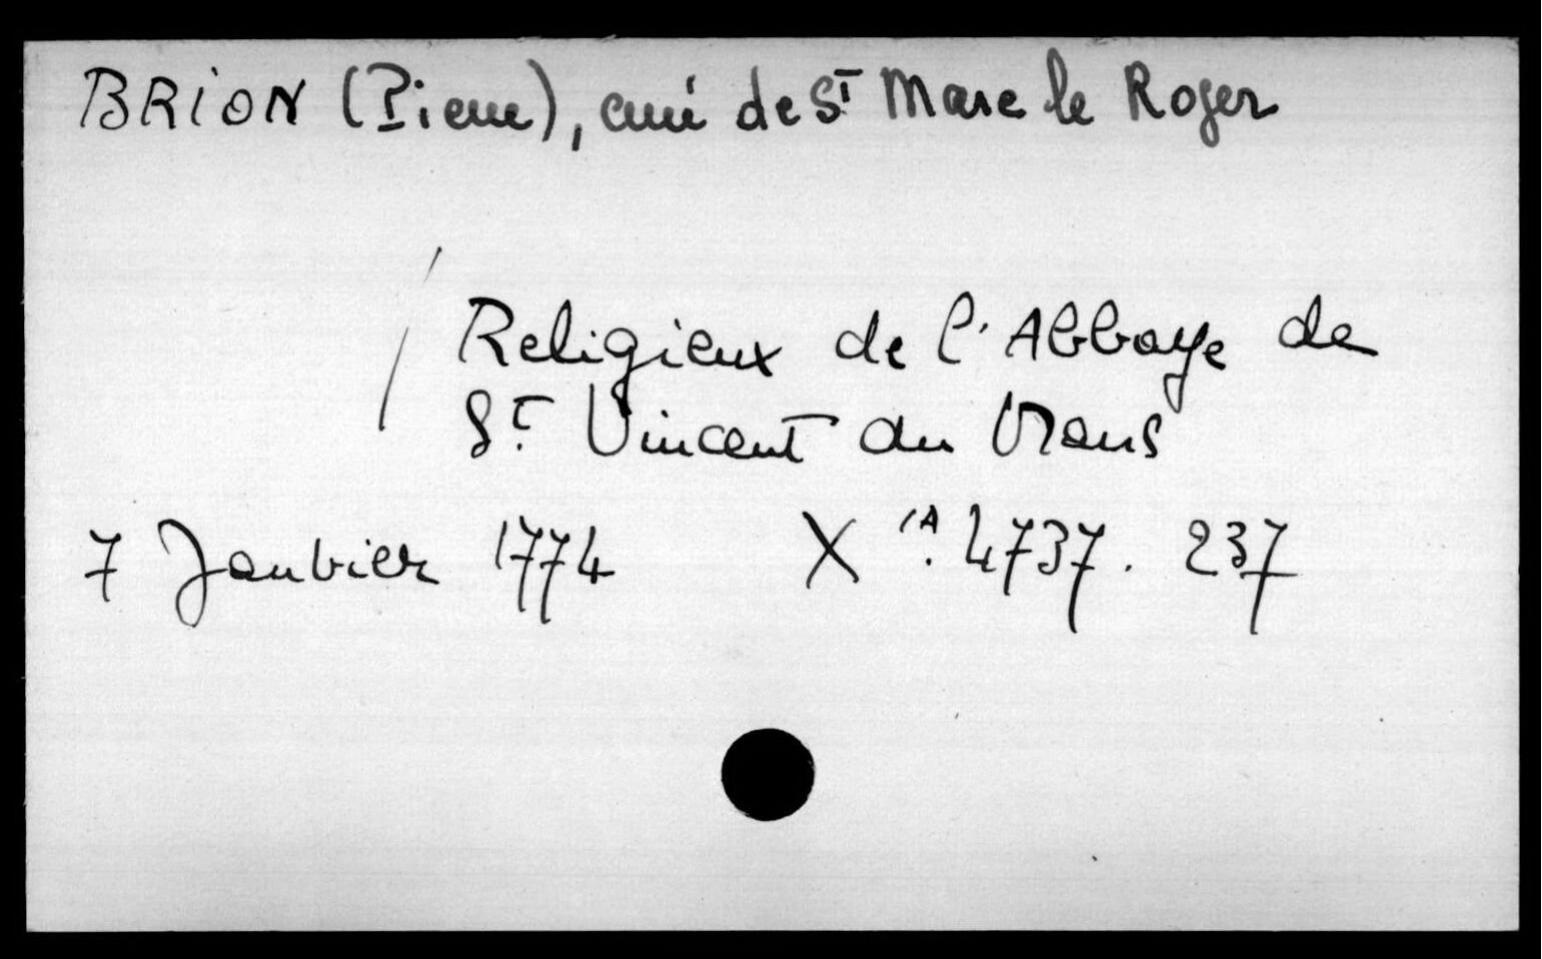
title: BRION (Pierre), curé de Saint-Marc le Roger
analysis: Contre Religieux de l'abbaye de Saint Vincent du Mans
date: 7 janvier 1774
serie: X1A
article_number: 4737
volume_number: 237
